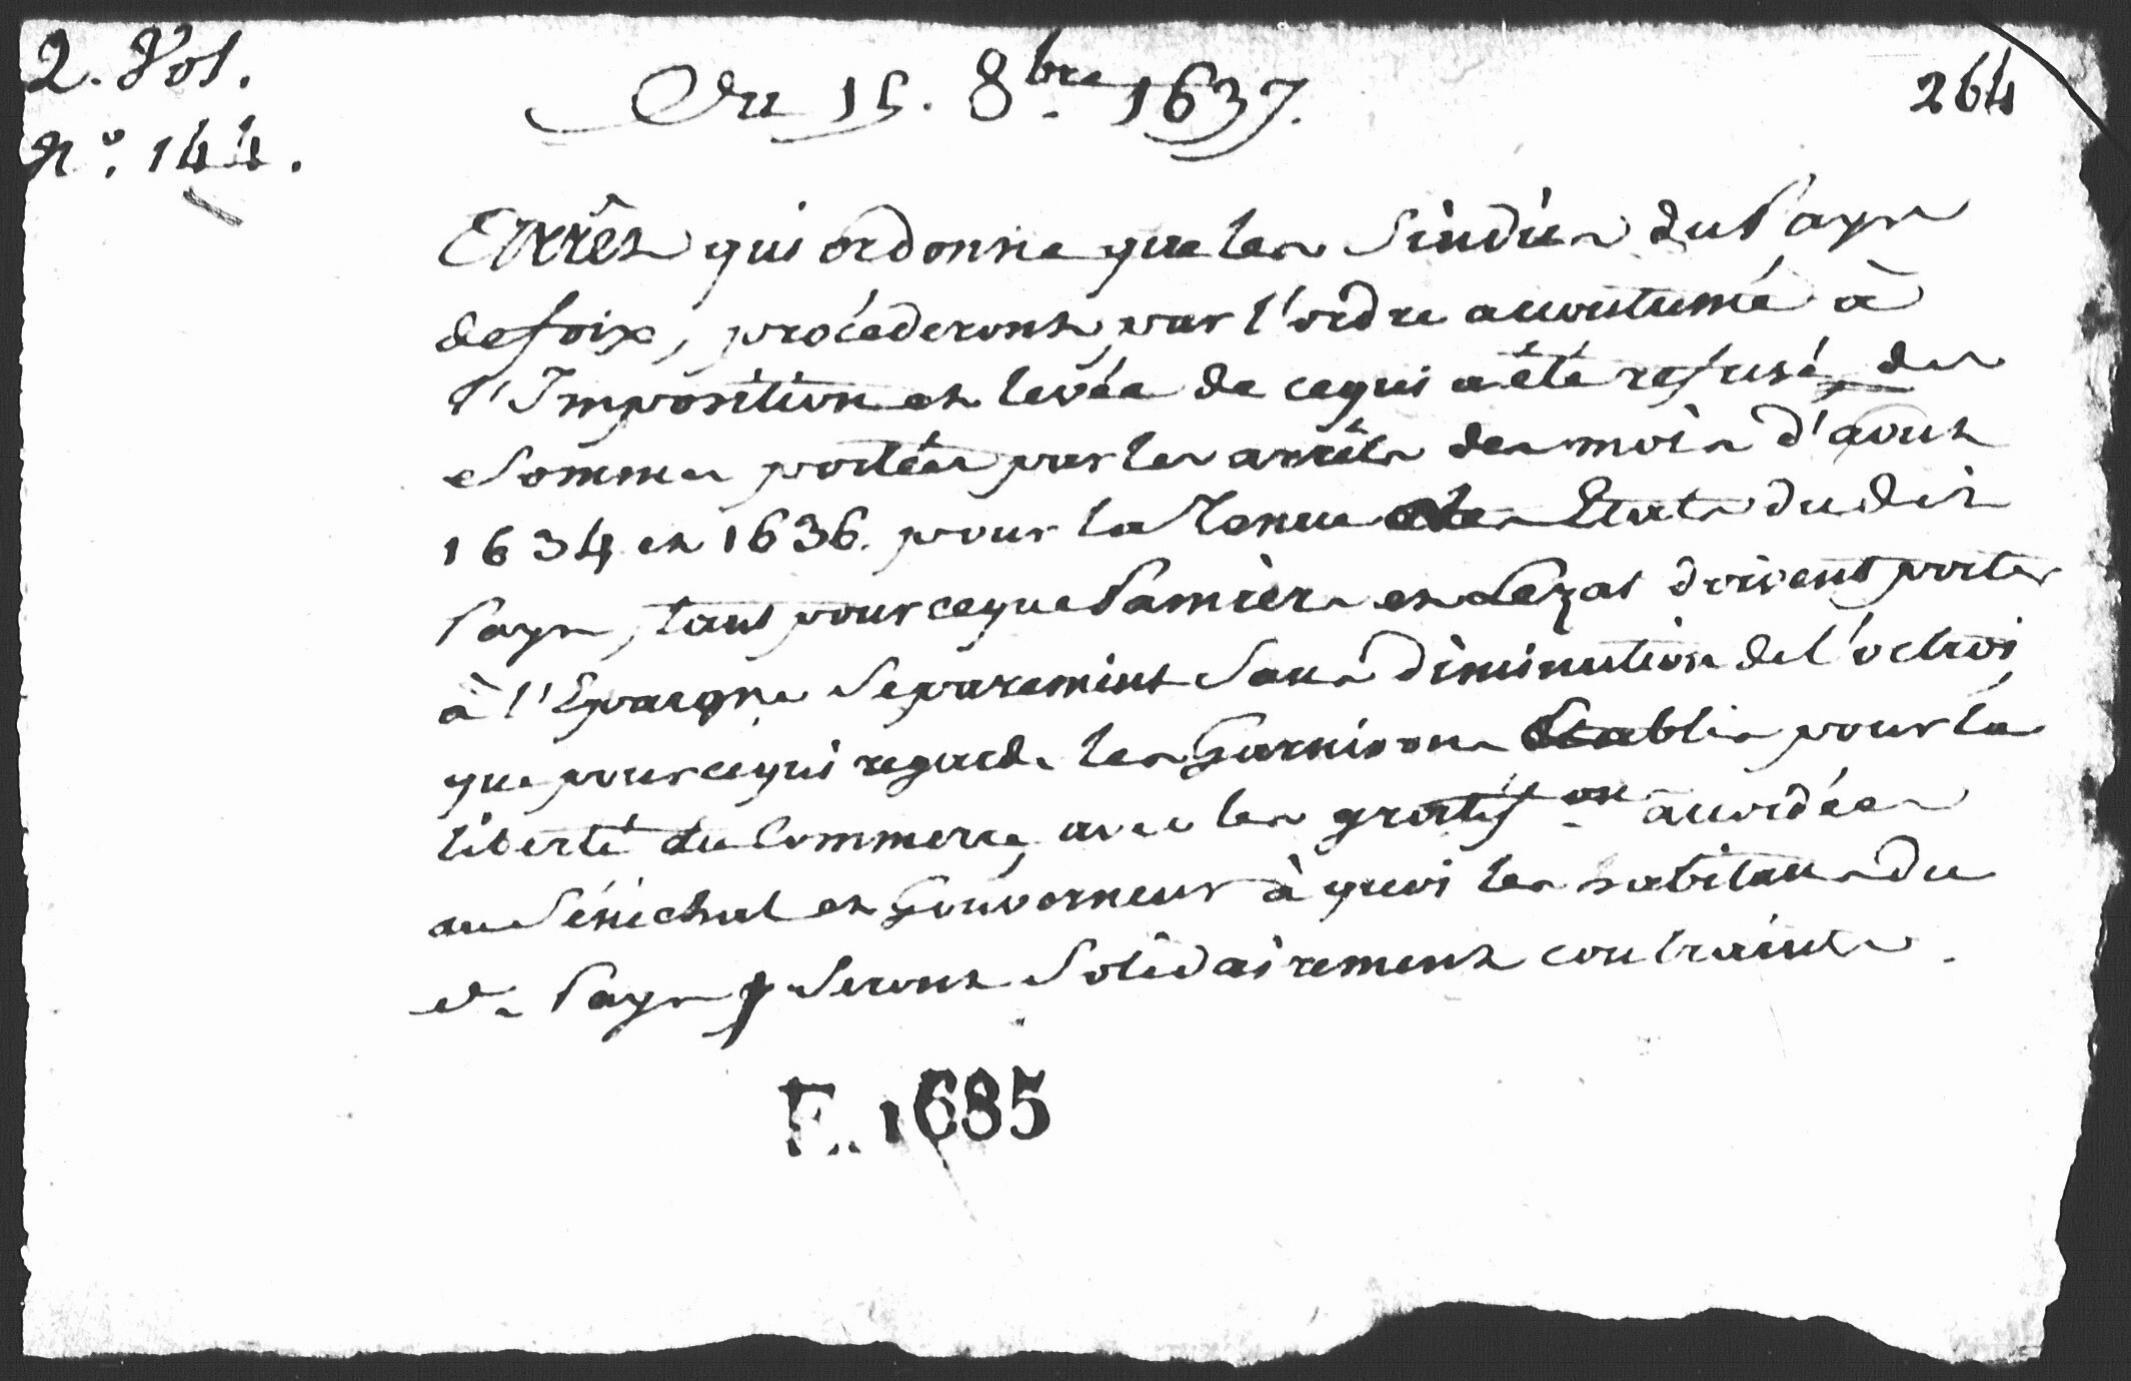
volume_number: n°144
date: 15 octobre 1637
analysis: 264
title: Arrêt qui ordonne que les sindics du Pays de foix, procéderont par l'ordre accoutumé à l'imposition et levée de ce qui a été refusé des sommes portées par les arrêts des mois d'aout 1634 et 1636 pour la tenue des Etats dudit pays, tant pour ce que Pamiers et Lezat doivent porter à l'Epargne separement sans diminution de l'octroi que pour ce qui regarde les garnisons etablis pour la liberté du commerce, avec les gratif.ons accordées au Sénéchal et Gouverneur à quoi les habitans dud. pays seront solidairement contraints.
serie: E
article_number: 1685
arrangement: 2. vol.
